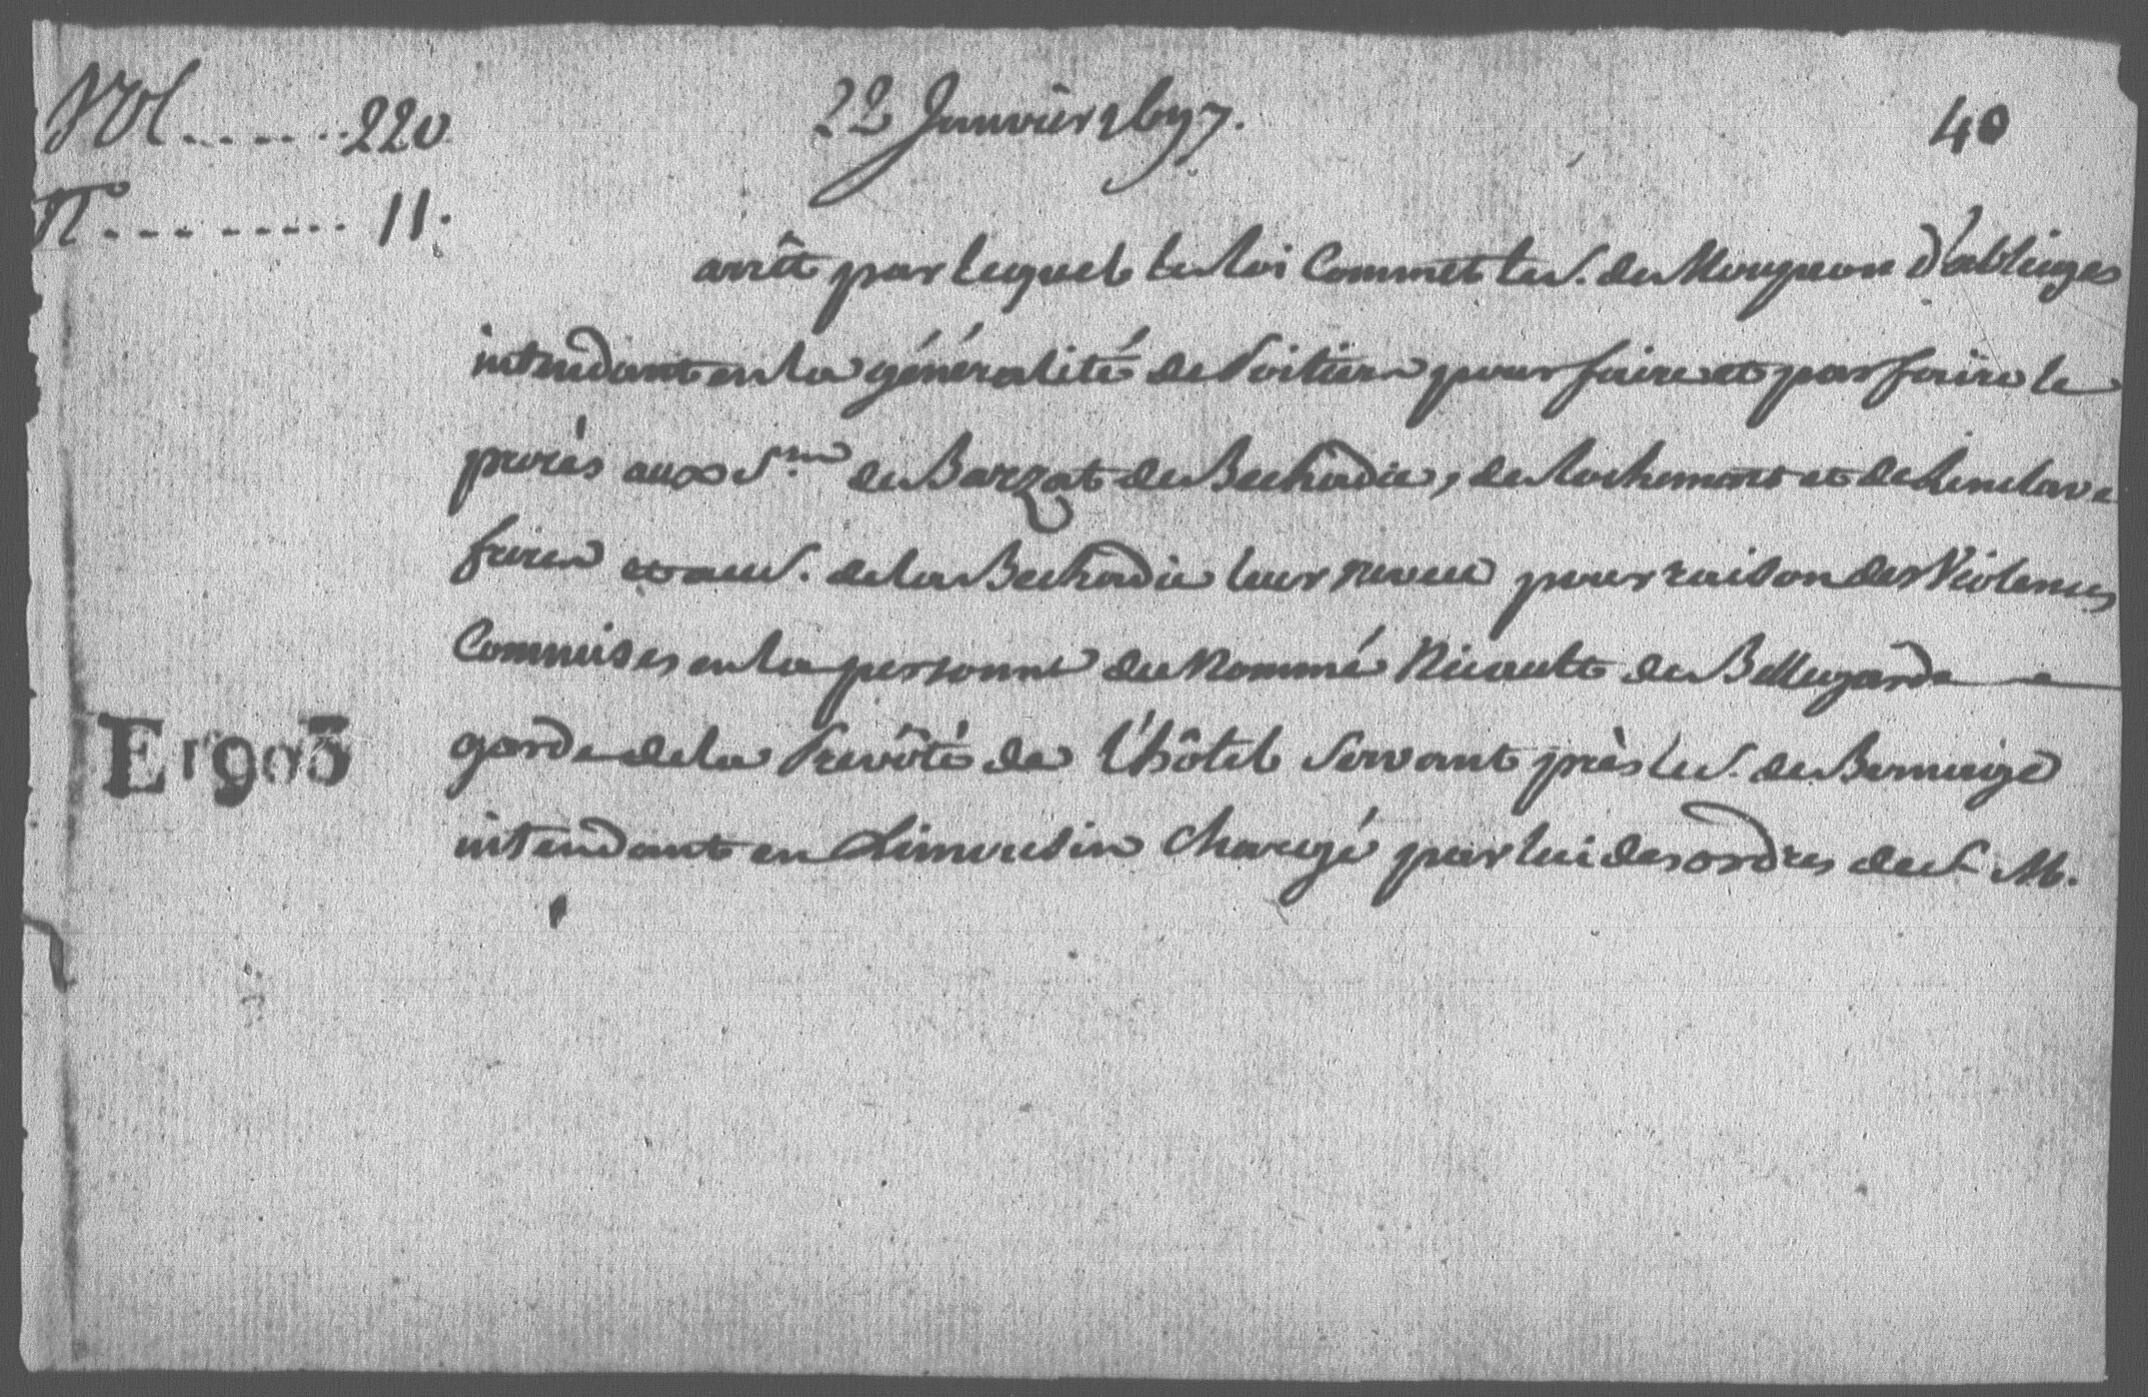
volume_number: n°11
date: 22 janvier 1697
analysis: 40
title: arrêt par lequel le Roi commet le S. de Moupeou d'ableiges intendant en la généralité de Poitiers pour faire et parfaire le procès aux S.rs de Barzat de Bechadie, de Rochemart et de Lenclave frères et au S. de la Bechadie leur neveu pour raison des violences commises en la personne du nommé Nicault de Bellegarde garde de la Prevôté de l'hôtel servant près le S. de Bernage intendant en Limousin chargé par lui des ordres de S. M.
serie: E
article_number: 1903
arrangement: vol. 220
